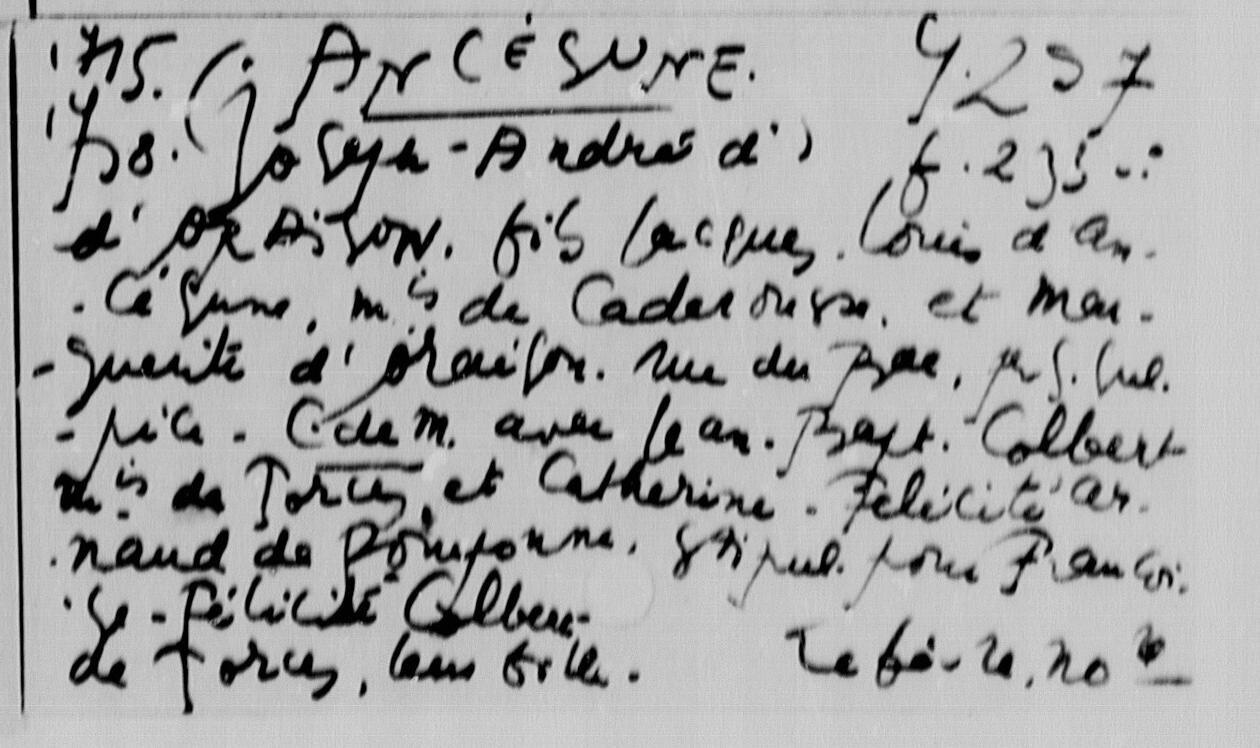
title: ANCÉSUNE (Joseph-André d')
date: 1715-1718
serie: Y
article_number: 257
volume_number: folio 235 verso
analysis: d'ORAISON, fils Jacques-Louis d'Ancésune, marquis de Caderousse et Marguerite d'Oraison, rue du Bac, paroisse Saint Sulpice. Contrat de mariage avec Jean-Baptiste Colbert marquis de Torcy et Catherine-Félicité Arnaud de Pomponne stipulant pour Françoise-Félicité Colbert de Torcy, leur fille. Lefèvre, notaire
